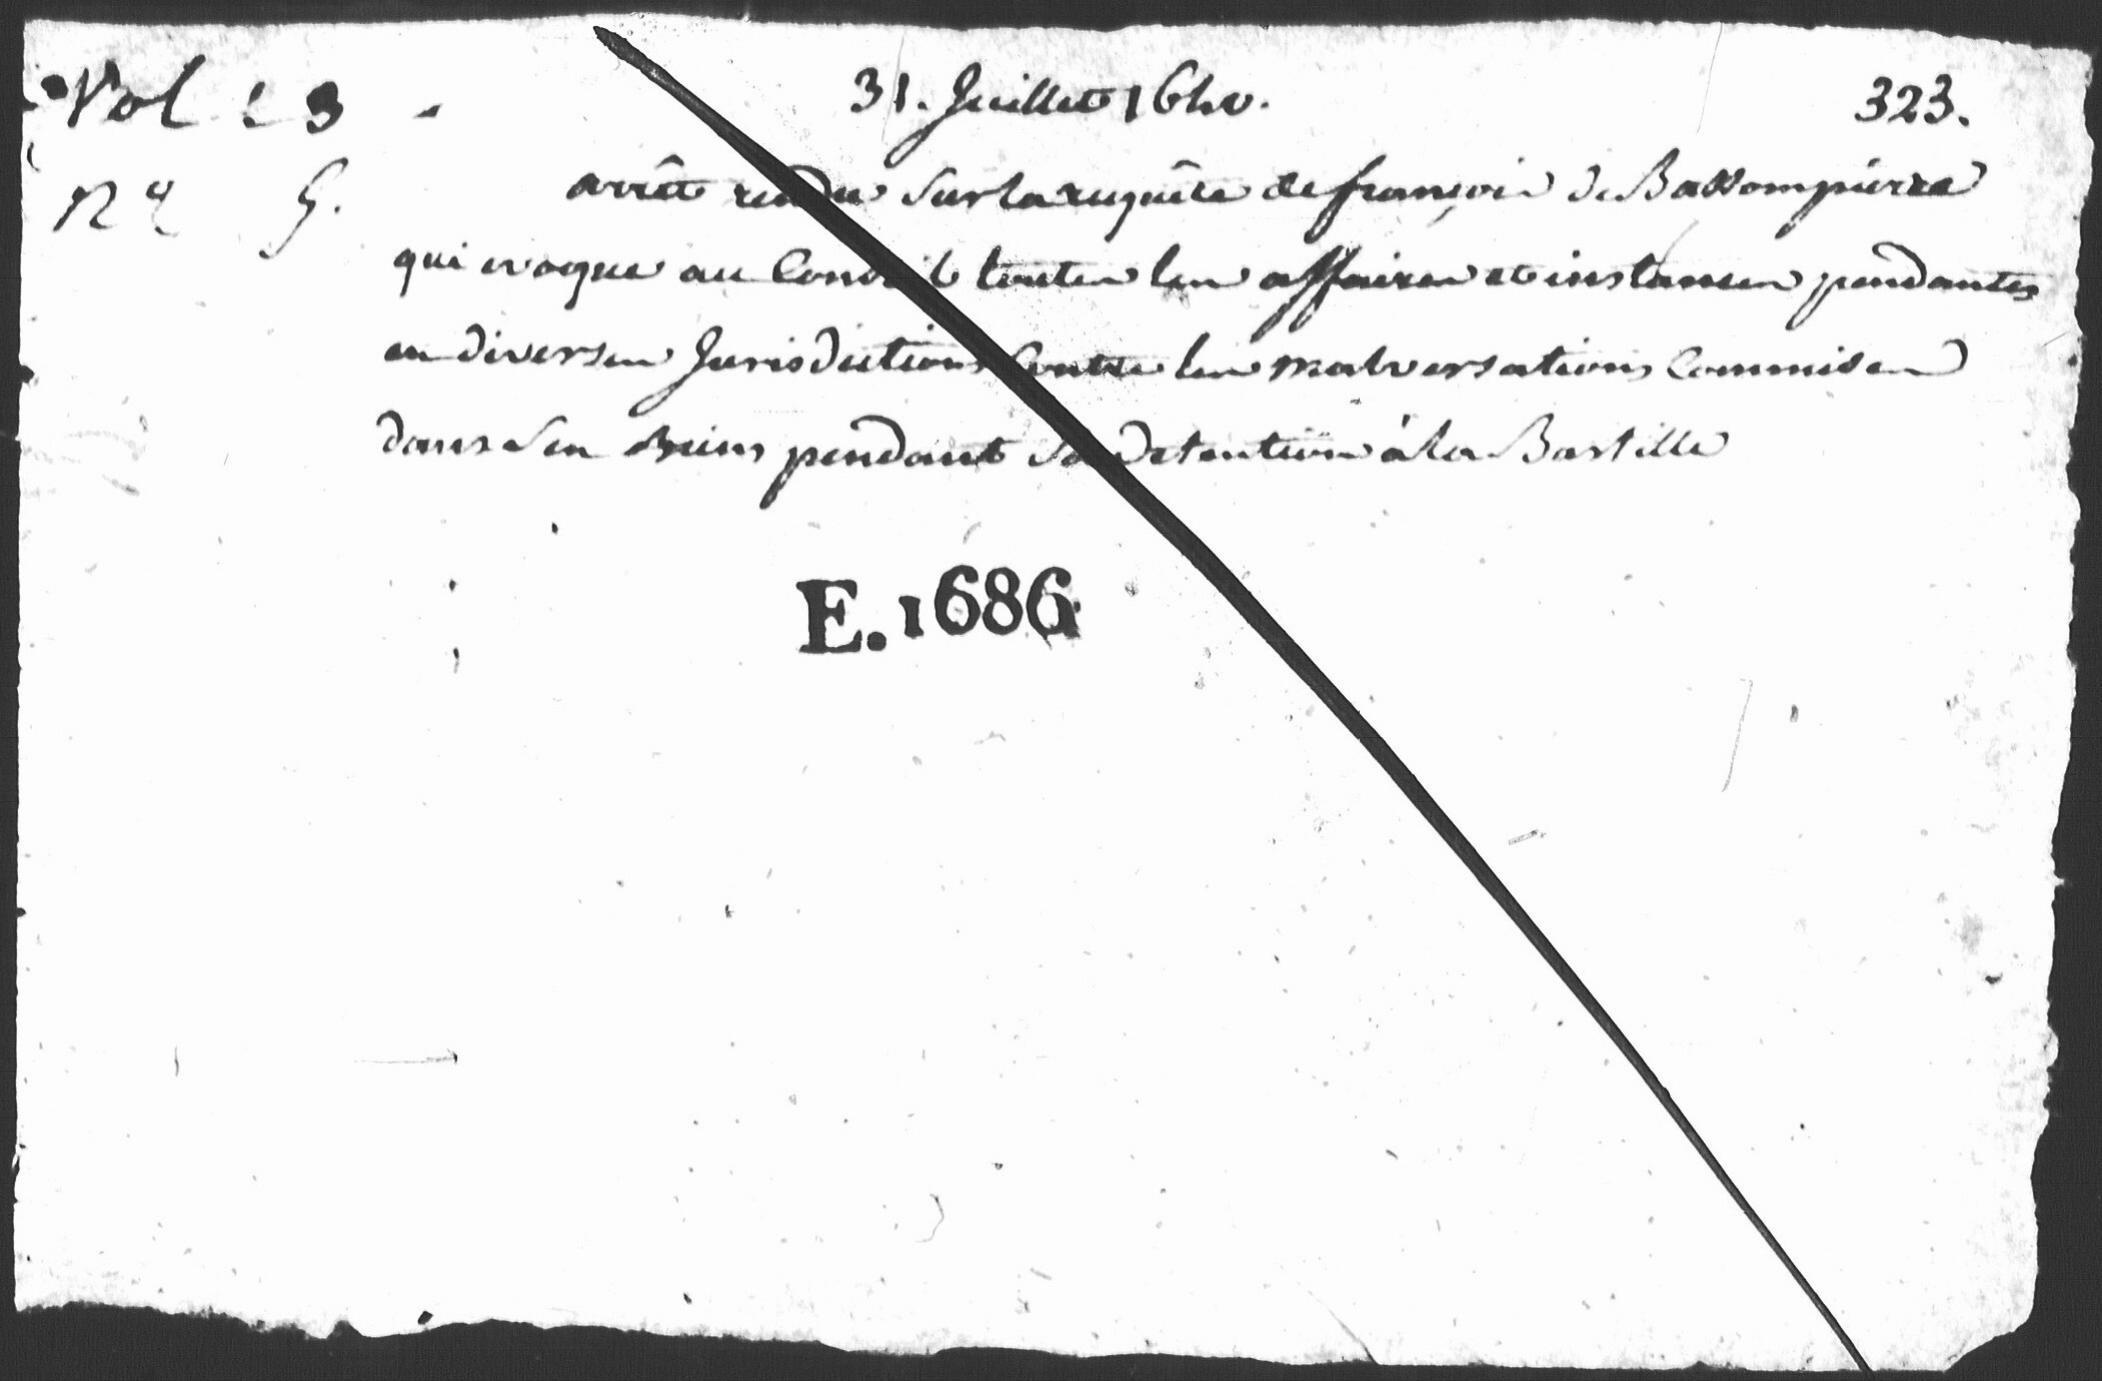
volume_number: n°5
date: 31 juillet 1640
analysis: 323. fiche barrée
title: arrêt rendu sur le requête de françois de Bassompierre qui evoque au Conseil toutes les affaires et instances pendantes en diverses juridictions contre les malversations commises dans ses biens pendant sa detention à la Bastille
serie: e
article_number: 1686
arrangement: vol. 3.
